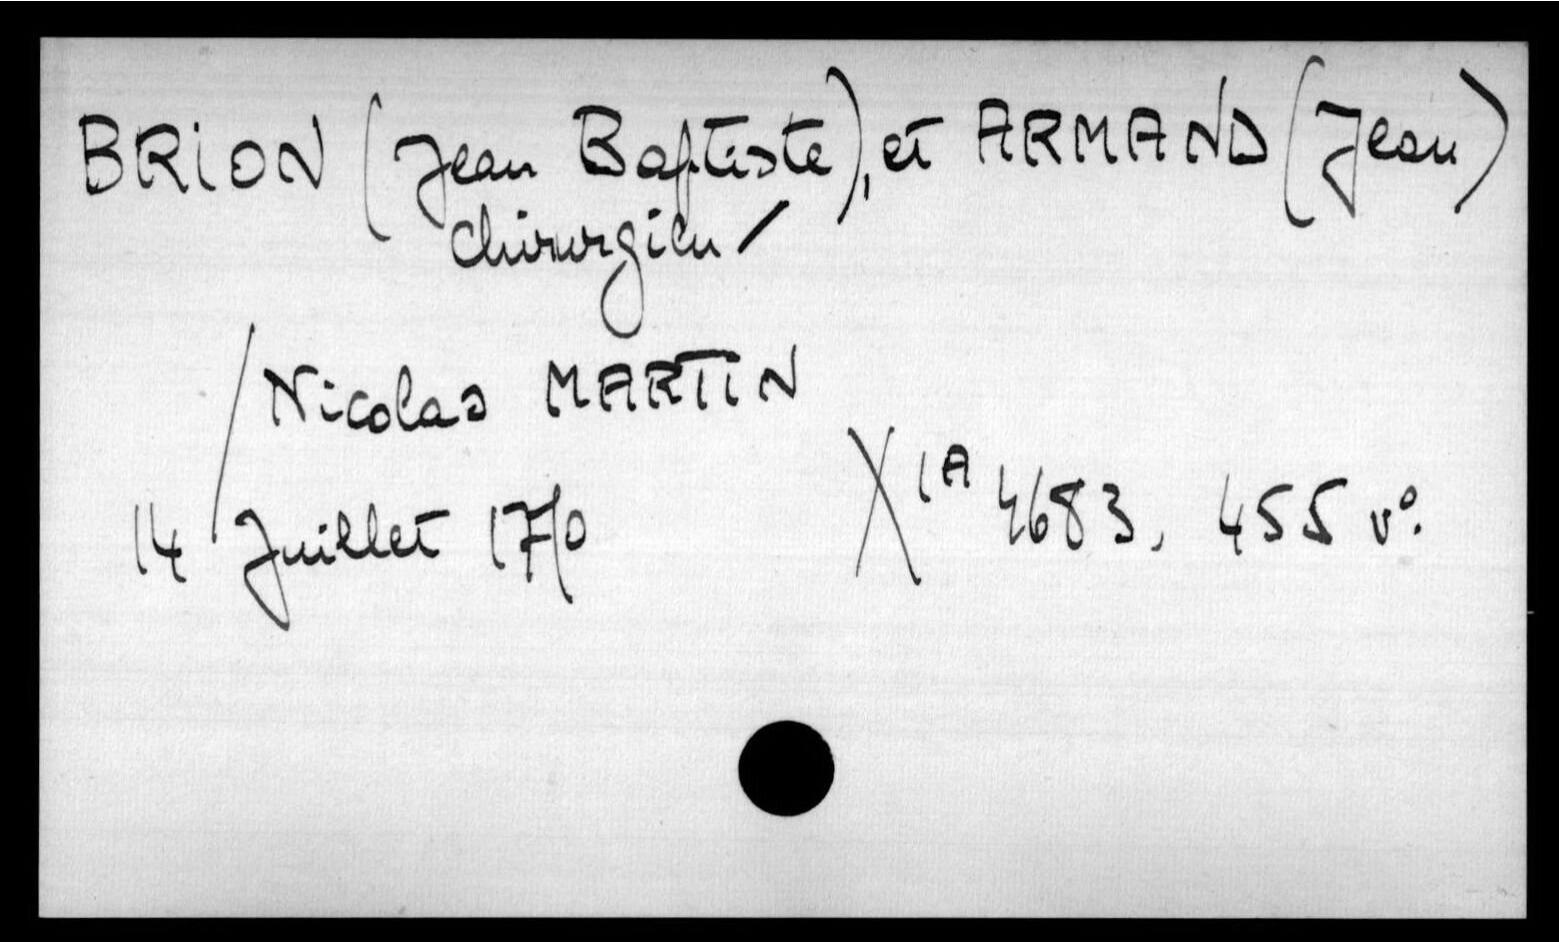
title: BRION (Jean Baptiste) et ArMANd (Jean) chirurgien
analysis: Contre Nicolas MARTIN
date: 14 juillet 1770
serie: X1A
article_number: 4683
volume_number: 455v
